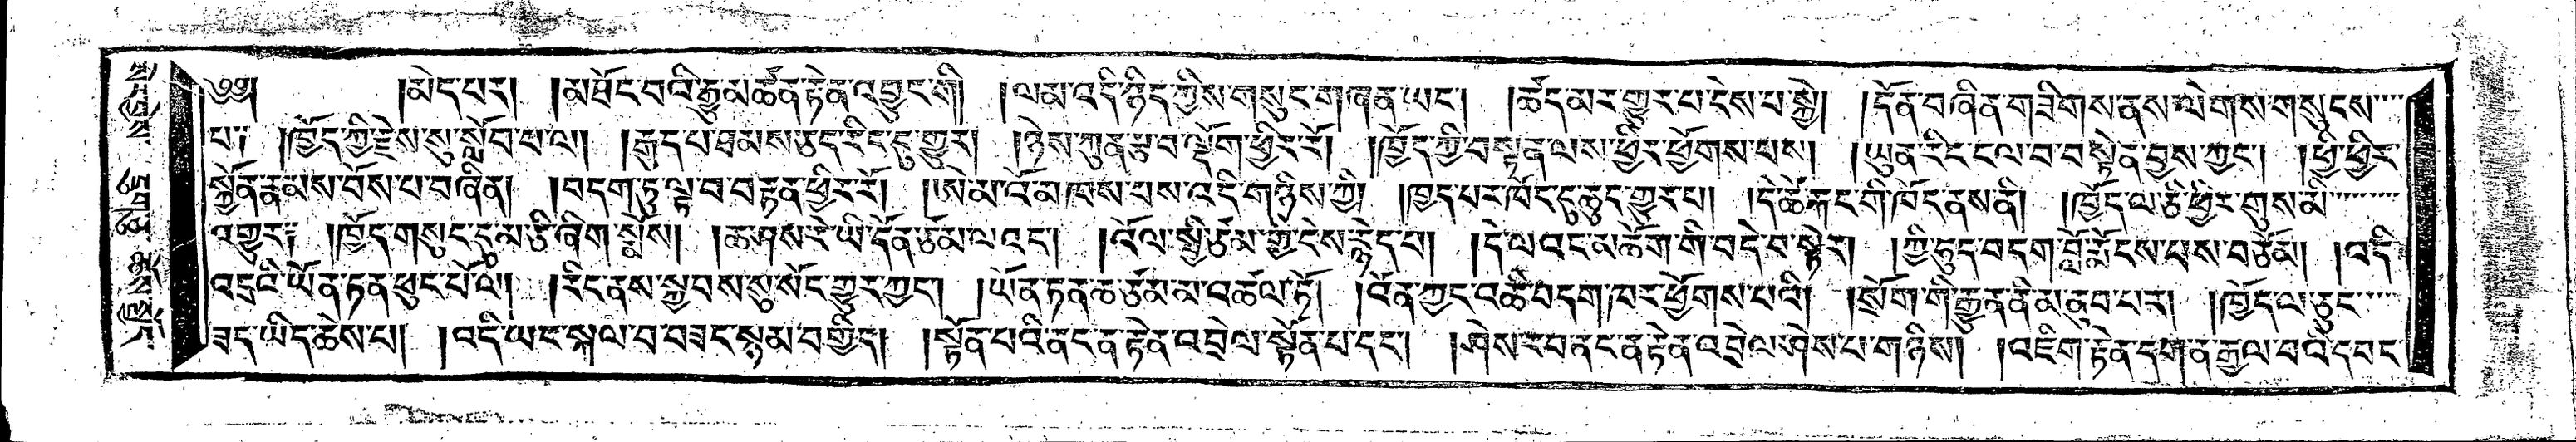༄༅། །མེད་པར། །མཐོང་བའི་རྒྱུ་མཚན་རྟེན་འབྱུང་གི། །ལམ་འདི་ཉིད་ཀྱིས་གསུང་གཞན་ཡང་། །ཚད་མར་གྱུར་པ་ངེས་པ་སྐྱེ། །དོན་བཞིན་གཟིགས་ནས་ལེགས་གསུངས་
པ༑ །ཁྱོད་ཀྱི་རྗེས་སུ་སློབ་པ་ལ། །རྒུད་པ་ཐམས་ཅད་རིང་དུ་གྱུར། །ཉེས་ཀུན་རྩ་བ་ལྡོག་ཕྱིར་རོ། །ཁྱོད་ཀྱི་བསྟན་ལས་ཕྱིར་ཕྱོགས་པས། །ཡུན་རིང་ངལ་བ་བསྟེན་བྱ་ཀྱང་། །ཕྱི་ཕྱིར་
སྐྱོན་རྣམས་བོས་པ་བཞིན། །བདག་ཏུ་ལྟ་བ་བརྟན་ཕྱིར་རོ། །ཨེ་མ་འོ་མཁས་པས་འདི་གཉིས་ཀྱི། །ཁྱད་པར་ཁོང་དུ་ཆུད་གྱུར་པ། །དེ་ཚེ་རྐང་གི་ཁོང་ནས་ནི། །ཁྱོད་ལ་ཅི་ཕྱིར་གུས་མི་
འགྱུར༑ །ཁྱོད་གསུང་དུ་མ་ཅི་ཞིག་སྨོས། །ཆ་ཤས་རེ་ཡི་དོན་ཙམ་ལའང་། །འོལ་སྤྱི་ཙམ་གྱི་ངེས་རྙེད་པ། །དེ་ལའང་མཆོག་གི་བདེ་བ་སྟེར། །ཀྱི་ཧུད་བདག་བློ་རྨོངས་པས་བཅོམ། །འདི་
འདྲའི་ཡོན་ཏན་ཕུང་པོ་ལ། །རིང་ནས་སྐྱབས་སུ་སོང་གྱུར་ཀྱང་། །ཡོན་ཏན་ཆ་ཙམ་མ་འཚལ་ཏོ། །འོན་ཀྱང་འཆི་བདག་ཁར་ཕྱོགས་པའི། །སྲོག་གི་རྒྱུན་ནི་མ་ནུབ་པར། །ཁྱོད་ལ་ཅུང་
ཟད་ཡིད་ཆེས་པ། །འདི་ཡང་སྐལ་བ་བཟང་སྙམ་བགྱིད། །སྟོན་པའི་ནང་ན་རྟེན་འབྲེལ་སྟོན་པ་དང་། །ཤེས་རབ་ནང་ན་རྟེན་འབྲེལ་ཤེས་པ་གཉིས། །འཇིག་རྟེན་དག་ན་རྒྱལ་བའི་དབང་